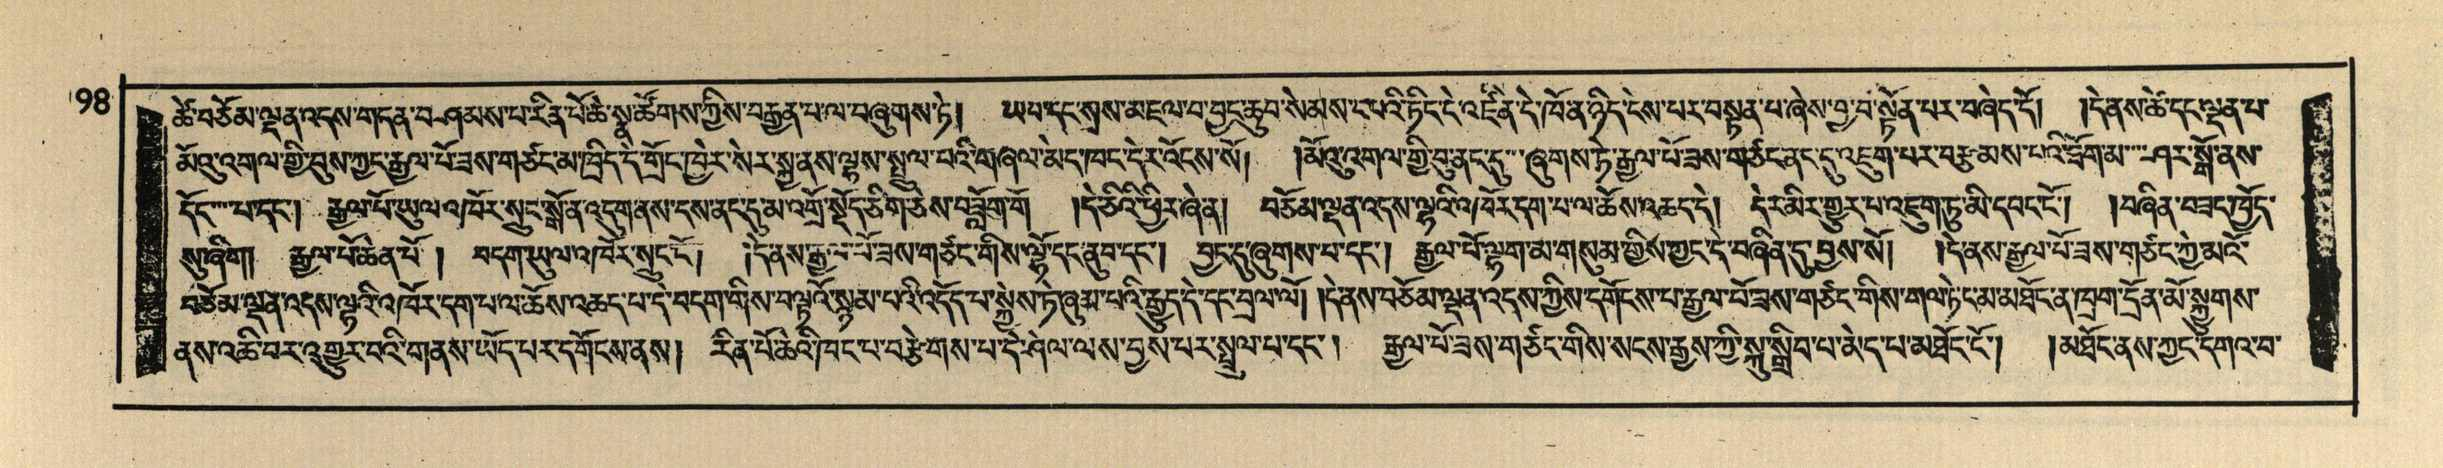ཚེ་བཅོམ་ལྡན་འདས་གདན་བཤམས་པ་རིན་པོ་ཆེ་སྣ་ཚོགས་ཀྱིས་བརྒྱན་པ་ལ་བཞུགས་ཏེ། ཡབ་དང་སྲས་མཇལ་བ་བྱང་ཆུབ་སེམས་དཔའི་ཏིང་ངེ་འཛིན་དེ་ཁོ་ན་ཉིད་ངེས་པར་བསྟན་པ་ཞེས་བྱ་བ་སྟོན་པར་བཞེད་དོ། །དེ་ནས་ཚེ་དང་ལྡན་པ་
མོའུ་འགལ་གྱི་བུས་ཀྱང་རྒྱལ་པོ་ཟས་གཙང་མ་ཁྲིད་དེ་གྲོང་ཁྱེར་སེར་སྐྱ་ནས་ལྷས་སྤྲུལ་པའི་གཞལ་མེད་ཁང་དེར་འོངས་སོ། །མོའུ་འགལ་གྱི་བུ་ནང་དུ་ཞུགས་ཏེ་རྒྱལ་པོ་ཟས་གཙང་ནང་དུ་འཇུག་པར་བརྩམས་པའི་ཐོག་མ་ཤར་སྒོ་ནས་
དོང་པ་དང་། རྒྱལ་པོ་ཡུལ་འཁོར་སྲུང་སྒོ་ན་འདུག་ནས་དས་ནང་དུ་མ་འགྲོ་སྡོད་ཅིག་ཅེས་བཟློག་གོ །དེ་ཅིའི་ཕྱིར་ཞེ་ན། བཅོམ་ལྡན་འདས་ལྷའི་འཁོར་དག་པ་ལ་ཆོས་འཆད་དེ། དེར་མིར་གྱུར་པ་འཇུག་ཏུ་མི་དབང་པོ། །བཞིན་བཟང་ཁྱོད་
སུ་ཞིག། རྒྱལ་པོ་ཆེན་པོ། བདག་ཡུལ་འཁོར་སྲུང་ངོ། །དེ་ནས་རྒྱལ་པོ་ཟས་གཙང་གིས་ལྷོ་དང་ནུབ་དང་། བྱང་ཆུབ་ཞུགས་པ་དང་། རྒྱལ་པོ་ལྷག་མ་གསུམ་གྱིས་ཀྱང་དེ་བཞིན་དུ་བྱས་སོ། །དེ་ནས་རྒྱལ་པོ་ཟས་གཙང་ཀྱེ་མའོ་
བཅོམ་ལྡན་འདས་ལྷའི་འཁོར་དག་པ་ལ་ཆོས་འཆད་པ་དེ་བདག་གིས་བལྟའོ་སྙམ་པའི་འདོད་པ་སྐྱེས་ཏེ་ཞུམ་པའི་རྒྱུད་དེ་དང་བྲལ་ལོ། །དེ་ནས་བཅོམ་ལྡན་འདས་ཀྱིས་དགོངས་པ་རྒྱལ་པོ་ཟས་གཙང་གིས་གལ་ཏེ་ང་མ་མཐོང་ན་ཁྲག་དྲོན་མོ་སྐྱུགས་
ནས་འཆི་བར་འགྱུར་བའི་གནས་ཡོད་པར་དགོངས་ནས། རིན་པོ་ཆེའི་ཁང་པ་བརྩེགས་པ་དེ་ཤེལ་ལས་བྱས་པར་སྤྲུལ་པ་དང་། རྒྱལ་པོ་ཟས་གཙང་གིས་སངས་རྒྱས་ཀྱི་སྐུ་སྒྲིབ་པ་མེད་པ་མཐོང་ངོ། །མཐོང་ནས་ཀྱང་དགའ་བ་